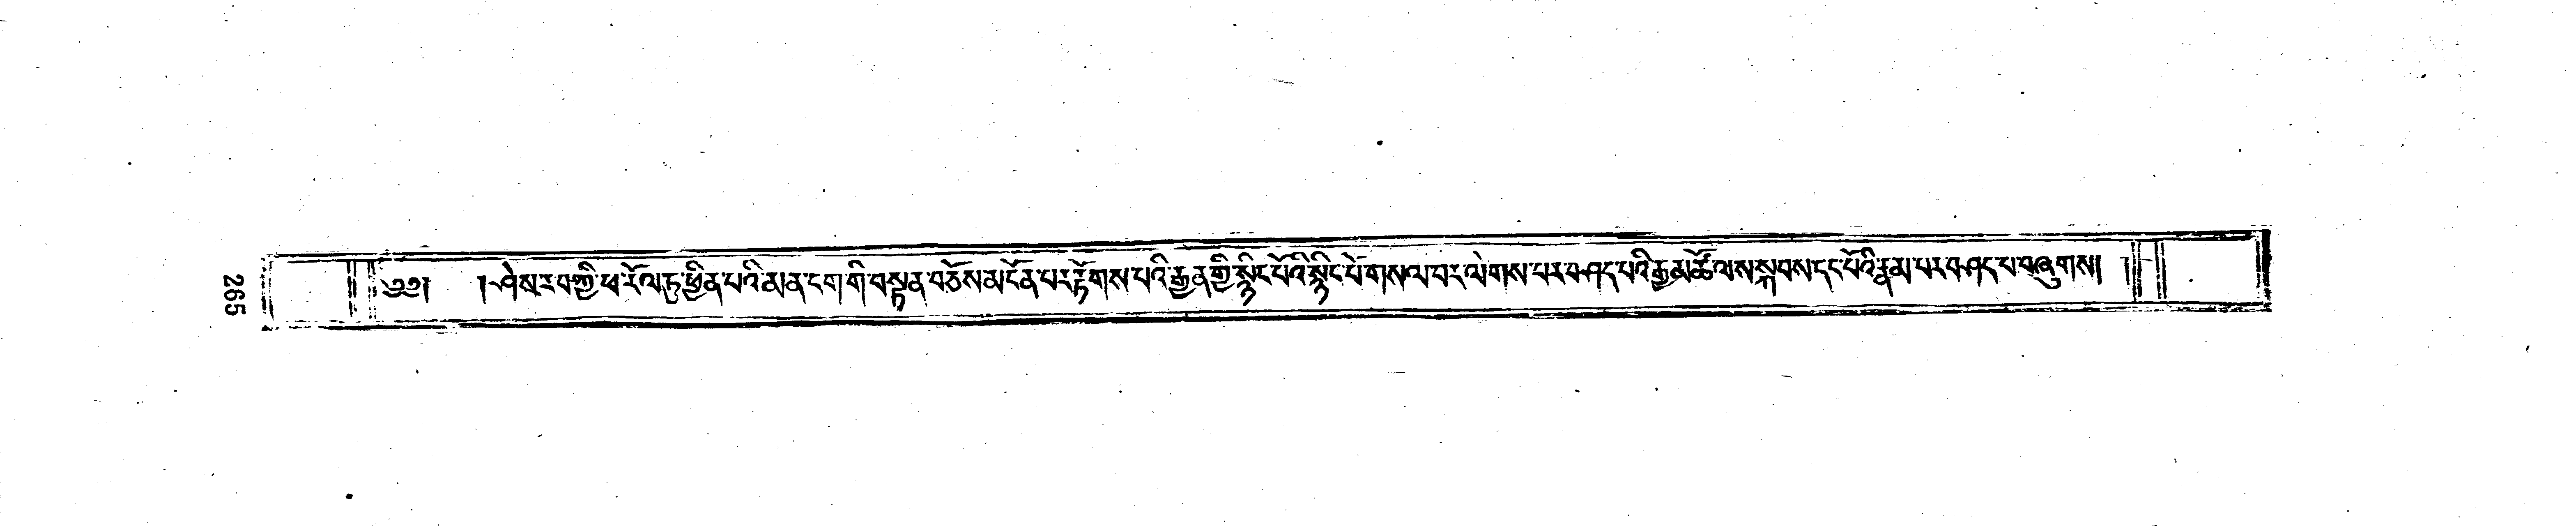༄༅། །ཤེས་རབ་ཀྱི་ཕ་རོལ་ཏུ་ཕྱིན་པའི་མན་ངག་གི་བསྟན་བཅོས་མངོན་པར་རྟོགས་པའི་རྒྱན་གྱི་སྙིང་པོའི་སྙིང་པོ་གསལ་བར་ལེགས་པར་བཤད་པའི་རྒྱ་མཚོ་ལས་སྐབས་དང་པོའི་རྣམ་པར་བཤད་པ་བཞུགས། །